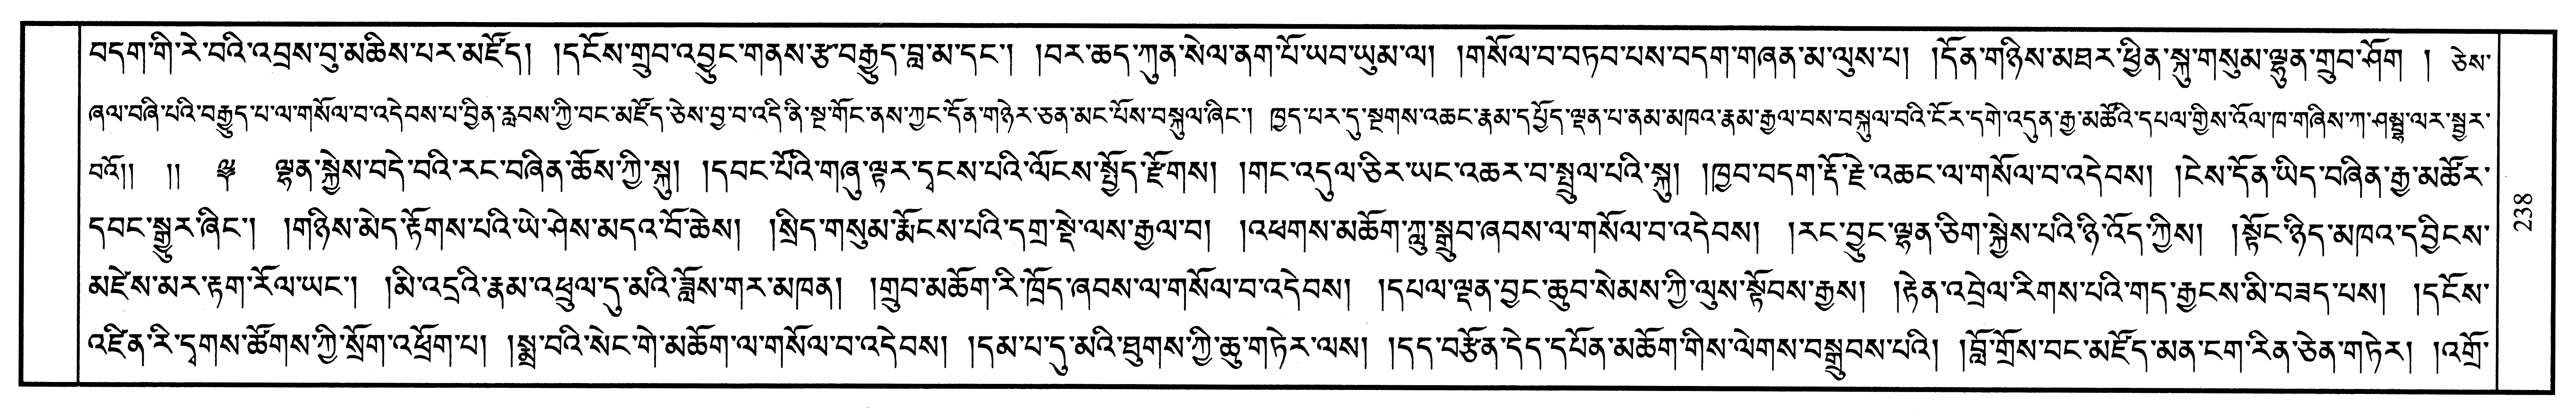བདག་གི་རེ་བའི་འབྲས་བུ་མཆིས་པར་མཛོད། །དངོས་གྲུབ་འབྱུང་གནས་རྩ་བརྒྱུད་བླ་མ་དང་། །བར་ཆད་ཀུན་སེལ་ནག་པོ་ཡབ་ཡུམ་ལ། །གསོལ་བ་བཏབ་པས་བདག་གཞན་མ་ལུས་པ། །དོན་གཉིས་མཐར་ཕྱིན་སྐུ་གསུམ་ལྷུན་གྲུབ་ཤོག །ཅེས་
ཞལ་བཞི་པའི་བརྒྱུད་པ་ལ་གསོལ་བ་འདེབས་པ་བྱིན་རླབས་ཀྱི་བང་མཛོད་ཅེས་བྱ་བ་འདི་ནི་སྔ་གོང་ནས་ཀྱང་དོན་གཉེར་ཅན་མང་པོས་བསྐུལ་ཞིང་། ཁྱད་པར་དུ་སྔགས་འཆང་རྣམ་དཔྱོད་ལྡན་པ་ནམ་མཁའ་རྣམ་རྒྱལ་བས་བསྐུལ་བའི་ངོར་དགེ་འདུན་རྒྱ་མཚོའི་དཔལ་གྱིས་འོལ་ཁ་གཞིས་ཀ་ཤམྦྷ་ལར་སྦྱར་
བའོ།། །། ༈ ལྷན་སྐྱེས་བདེ་བའི་རང་བཞིན་ཆོས་ཀྱི་སྐུ། །དབང་པོའི་གཞུ་ལྟར་དྭངས་པའི་ལོངས་སྤྱོད་རྫོགས། །གང་འདུལ་ཅིར་ཡང་འཆར་བ་སྤྲུལ་པའི་སྐུ། །ཁྱབ་བདག་རྡོ་རྗེ་འཆང་ལ་གསོལ་བ་འདེབས། །ངེས་དོན་ཡིད་བཞིན་རྒྱ་མཚོར་
དབང་སྒྱུར་ཞིང་། །གཉིས་མེད་རྟོགས་པའི་ཡེ་ཤེས་དམའ་བོ་ཆེས། །སྲིད་གསུམ་རྨོངས་པའི་དགྲ་སྡེ་ལས་རྒྱལ་བ། །འཕགས་མཆོག་ཀླུ་སྒྲུབ་ཞབས་ལ་གསོལ་བ་འདེབས། །རང་བྱུང་ལྷན་ཅིག་སྐྱེས་པའི་ཉི་འོད་ཀྱིས། །སྟོང་ཉིད་མཁའ་དབྱིངས་
མཛེས་མར་རྟག་རོལ་ཡང་། །མི་འདྲའི་རྣམ་འཕྲུལ་དུ་མའི་ཟློས་གར་མཁན། །གྲུབ་མཆོག་རི་ཁྲོད་ཞབས་ལ་གསོལ་བ་འདེབས། །དཔལ་ལྡན་བྱང་ཆུབ་སེམས་ཀྱི་ལུས་སྟོབས་རྒྱས། །རྟེན་འབྲེལ་རིགས་པའི་གད་རྒྱངས་མི་བཟད་པས། །དངོས་
འཛིན་རི་དྭགས་ཚོགས་ཀྱི་སྲོག་འཕྲོག་པ། །སྨྲ་བའི་སེང་གེ་མཆོག་ལ་གསོལ་བ་འདེབས། །དམ་པ་དུ་མའི་ཐུགས་ཀྱི་ཆུ་གཏེར་ལས། །དད་བརྩོན་དེད་དཔོན་མཆོག་གི་ལེགས་བསྒྲུབས་པའི། །བློ་གྲོས་བང་མཛོད་མན་ངག་རིན་ཆེན་གཏེར། །འགྲོ་